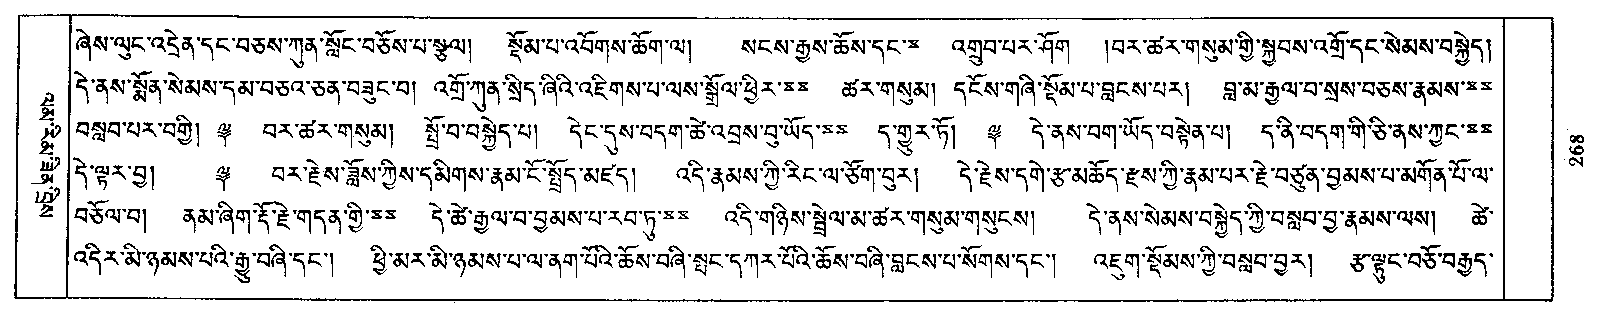ཞེས་ལུང་འདྲེན་དང་བཅས་ཀུན་སློང་བཅས་པ་སྩལ། སྡོམ་པ་འབོགས་ཆོག་ལ། སངས་རྒྱས་ཆོས་དང་྾་འགྲུབ་པར་ཤོག །བར་ཚར་གསུམ་གྱི་སྐྱབས་འགྲོ་དང་སེམས་བསྐྱེད།
དེ་ནས་སྨོན་སེམས་དམ་བཅའ་ཅན་བཟུང་བ། འགྲོ་ཀུན་སྲིད་ཞིའི་འཇིགས་པ་ལས་སྒྲོལ་ཕྱིར་྾་྾་ཚར་གསུམ། དངོས་གཞི་སྡོམ་པ་བླངས་པར། བླ་མ་རྒྱལ་བ་སྲས་བཅས་རྣམས་྾་྾་
བསླབ་པར་བགྱི། ༈ བར་ཚར་གསུམ། སྤྲོ་བ་བསྐྱེད་པ། དེང་དུས་བདག་ཚེ་འབྲས་བུ་ཡོད་྾་྾་ད་གྱུར་ཏོ། ༈ དེ་ནས་བག་ཡོད་བསྟེན་པ། ད་ནི་བདག་གི་ཅི་ནས་ཀྱང་྾་྾་
དེ་ལྟར་བྱ། ༈ བར་རྗེས་ཟློས་ཀྱིས་དམིགས་རྣམ་ངོ་སྤྲོད་མཛད། འདི་རྣམས་ཀྱི་རིང་ལ་ཙོག་བུར། དེ་རྗེས་དགེ་རྩ་མཆོད་རྫས་ཀྱི་རྣམ་པར་རྗེ་བཙུན་བྱམས་པ་མགོན་པོ་ལ་
བཅོལ་བ། ནམ་ཞིག་རྡོ་རྗེ་གདན་གྱི་྾་྾་དེ་ཚེ་རྒྱལ་བ་བྱམས་པ་རབ་ཏུ་྾་྾་འདི་གཉིས་སྦྲེལ་མ་ཚར་གསུམ་གསུངས། དེ་ནས་སེམས་བསྐྱེད་ཀྱི་བསླབ་བྱ་རྣམས་ལས། ཚེ་
འདིར་མི་ཉམས་པའི་རྒྱུ་བཞི་དང་། ཕྱི་མར་མི་ཉམས་པ་ལ་ནག་པོའི་ཆོས་བཞི་སྤང་དཀར་པོའི་ཆོས་བཞི་བླངས་པ་སོགས་དང་། འཇུག་སྡོམས་ཀྱི་བསླབ་བྱར། རྩ་ལྟུང་བཅོ་བརྒྱད་